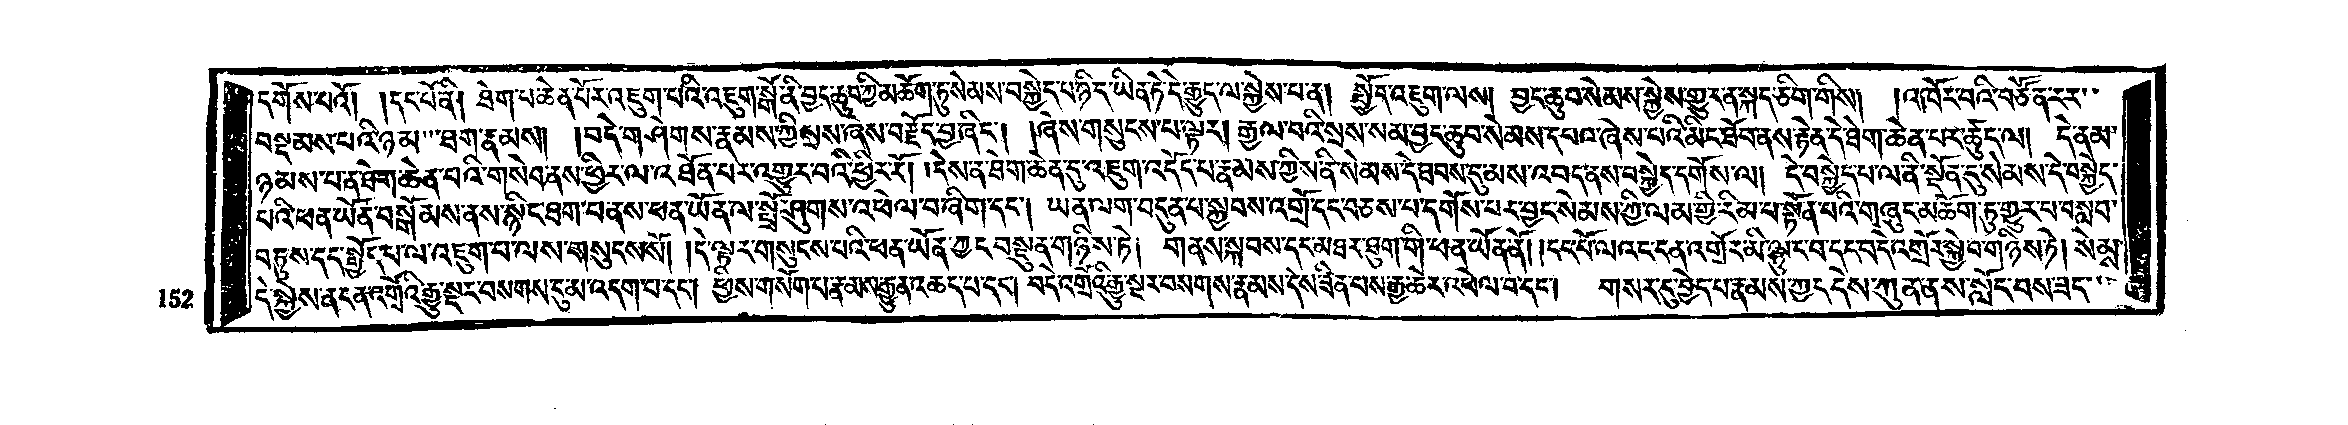དགོས་པའོ། །དང་པོ་ནི། ཐེག་པ་ཆེན་པོར་འཇུག་པའི་འཇུག་སྒོ་ནི་བྱང་ཆུབ་ཀྱི་མཆོག་ཏུ་སེམས་བསྐྱེད་པ་ཉིད་ཡིན་ཏེ་དེ་རྒྱུད་ལ་སྐྱེས་པ་ན། སྤྱོད་འཇུག་ལས། བྱང་ཆུབ་སེམས་སྐྱེས་གྱུར་ན་སྐད་ཅིག་གིས། །འཁོར་བའི་བཙོན་རར་
བསྡམས་པའི་ཉམ་ཐག་རྣམས། །བདེ་གཤེགས་རྣམས་ཀྱི་སྲས་ཞེས་བརྗོད་བྱ་ཞིང་། །ཞེས་གསུངས་པ་ལྟར། རྒྱལ་བའི་སྲས་སམ་བྱང་ཆུབ་སེམས་དཔའ་ཞེས་པའི་མིང་ཐོབ་ནས་རྟེན་དེ་ཐེག་ཆེན་པར་ཚུད་ལ། དེ་ནམ་
ཉམས་པ་ན་ཐེག་ཆེན་པའི་གསེབ་ནས་ཕྱིར་ལ་འཐོན་པར་འགྱུར་བའི་ཕྱིར་རོ། །དེས་ན་ཐེག་ཆེན་དུ་འཇུག་འདོད་པ་རྣམས་ཀྱིས་ནི་སེམས་དེ་ཐབས་དུ་མས་འབད་ནས་བསྐྱེད་དགོས་ལ། དེ་བསྐྱེད་པ་ལ་ནི་སྔོན་དུ་སེམས་དེ་བསྐྱེད་
པའི་ཕན་ཡོན་བསྒོམས་ནས་སྙིང་ཐག་པ་ནས་ཕན་ཡོན་ལ་སྤྲོ་ཤུགས་འཕེལ་བ་ཞིག་དང་། ཡན་ལག་བདུན་པ་སྐྱབས་འགྲོ་དང་བཅས་པ་དགོས་པར་བྱང་སེམས་ཀྱི་ལམ་གྱི་རིམ་པ་སྟོན་པའི་གཞུང་མཆོག་ཏུ་གྱུར་པ་བསླབ་
བཏུས་དང་སྤྱོད་པ་ལ་འཇུག་པ་ལས་གསུངས་སོ། །དེ་ལྟར་གསུངས་པའི་ཕན་ཡོན་ཀྱང་བསྡུ་ན་གཉིས་ཏེ། གནས་སྐབས་དང་མཐར་ཐུག་གི་ཕན་ཡོན་ནོ། །དང་པོ་ལའང་ངན་འགྲོར་མི་ལྟུང་བ་དང་བདེ་འགྲོར་སྐྱེ་བ་གཉིས་ཏེ། སེམས་
དེ་སྐྱེས་ན་ངན་འགྲོའི་རྒྱུ་སྔར་བསགས་དུ་མ་འདག་པ་དང་། ཕྱིས་གསོག་པ་རྣམས་རྒྱུན་འཆད་པ་དང་། བདེ་འགྲོའི་རྒྱུ་སྔར་བསགས་རྣམས་དེས་ཟིན་པས་རྒྱ་ཆེར་འཕེལ་བ་དང་། གསར་དུ་བྱེད་པ་རྣམས་ཀྱང་དེས་ཀུན་ནས་སློང་བས་ཟད་